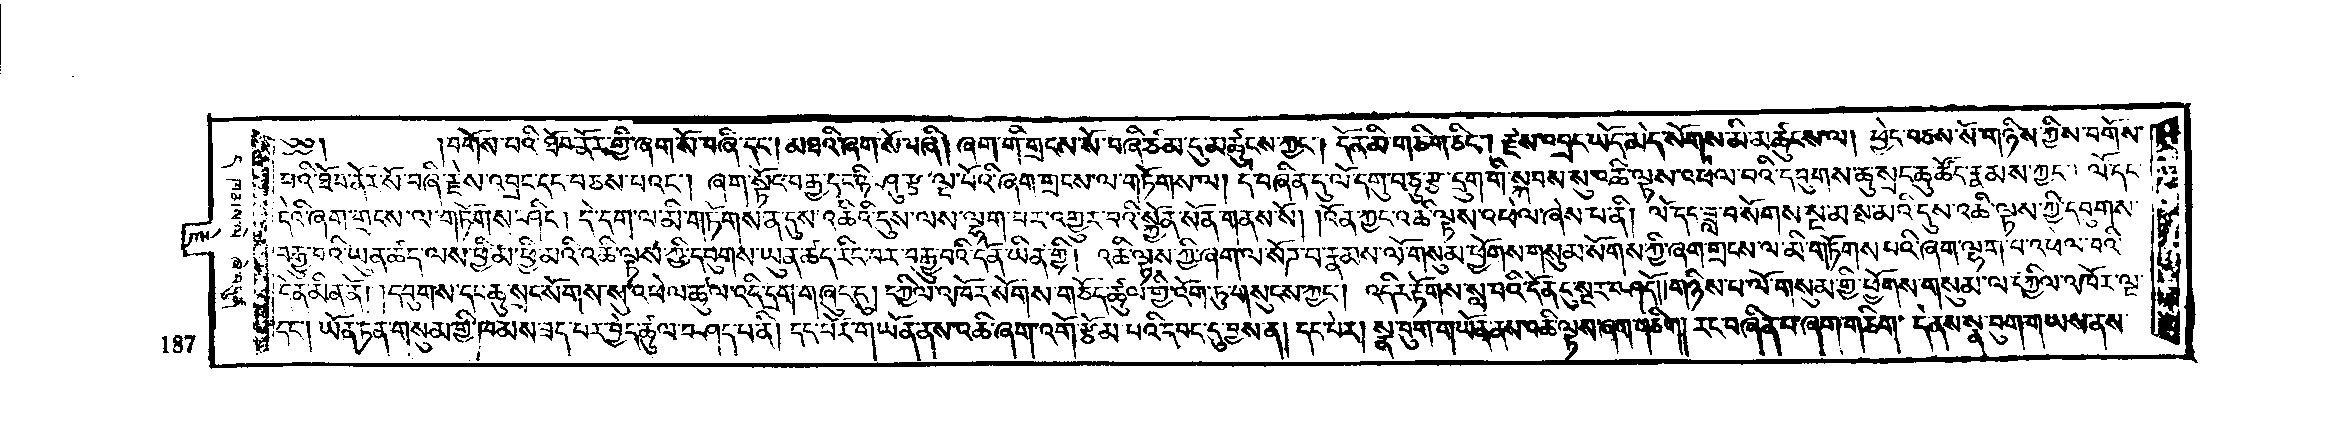༄༅། །བགོས་པའི་ཐོབ་ནོར་གྱི་ཞག་སོ་བཞི་དང་། མཐའི་ཞག་སོ་བཞི། ཞག་གི་གྲངས་སོ་བཞི་ཙམ་དུ་མཚུངས་ཀྱང་། དོན་མི་གཅིག་ཅིང་། རྗེས་འབྲང་ཡོད་མེད་སོགས་མི་མཚུངས་ལ། ཕྱེད་བཅས་སོ་གཉིས་ཀྱིས་བགོས་
པའི་ཐོབ་ནོར་སོ་བཞི་རྗེས་འབྲང་དང་བཅས་པའང་། ཞག་སྟོང་བརྒྱ་དང་ཉི་ཤུ་རྩ་ལྔ་པོའི་ཞག་གྲངས་ལ་གཏོགས་ལ། དེ་བཞིན་དུ་ལོ་དགུ་བཅུ་རྩ་དྲུག་གི་སྐབས་སུ་འཆི་ལྟས་འཕེལ་བའི་དབུགས་ཆུ་སྲང་ཆུ་ཚོད་རྣམས་ཀྱང་། ལོ་དང་
དེའི་ཞག་གྲངས་ལ་གཏོགས་ཤིང་། དེ་དག་ལ་མི་གཏོགས་ན་དུས་འཆིའི་དུས་ལས་ལྷག་པར་འགྱུར་བའི་སྐྱོན་སོན་གནས་སོ། །འོན་ཀྱང་འཆི་ལྟས་འཕེལ་ཞེས་པ་ནི། ལོ་དང་ཟླ་བ་སོགས་སྔ་མ་སྔ་མའི་དུས་འཆི་ལྟས་ཀྱི་དབུགས་
བརྒྱུ་བའི་ཡུན་ཚད་ལས་ཕྱི་མ་ཕྱི་མའི་འཆི་ལྟས་ཀྱི་དབུགས་ཡུན་ཚད་རིང་བར་བརྒྱུ་བའི་དོན་ཡིན་གྱི། འཆི་ལྟས་ཀྱི་ཞག་ལ་སོགས་པ་རྣམས་ལོ་གསུམ་ཕྱོགས་གསུམ་སོགས་ཀྱི་ཞག་གྲངས་ལ་མི་གཏོགས་པའི་ཞག་ལྷག་པ་འཕེལ་བའི་དོན་མིན་ནོ། །དབུགས་དང་ཆུ་སྲང་སོགས་སུ་འཕེལ་ཚུལ་འདི་དྲག་གཞུང་དུ། དཀྱིལ་འཁོར་སོགས་གཅོད་ཚུལ་གྱི་འོག་ཏུ་གསུངས་ཀྱང་། འདིར་རྟོགས་སླ་བའི་དོན་དུ་སྔར་བཤད་དོ། །གཉིས་པ་ལོ་གསུམ་གྱི་ཕྱོགས་གསུམ་ལ་དཀྱིལ་འཁོར་ལྔ་
དང་། ཡོན་ཏན་གསུམ་གྱི་ཁམས་ཟད་པར་བྱེད་ཚུལ་བཤད་པ་ནི། དང་པོར་གཡོན་ནས་འཆི་ཞག་འགོ་རྩོམ་པའི་དབང་དུ་བྱས་ན། དང་པོར། སྣ་བུག་གཡོན་ནས་འཆི་ལྟས་ཞག་གཅིག །རང་བཞིན་པ་ཞག་གཅིག །དེ་ནས་སྣ་བུག་གཡས་ནས་